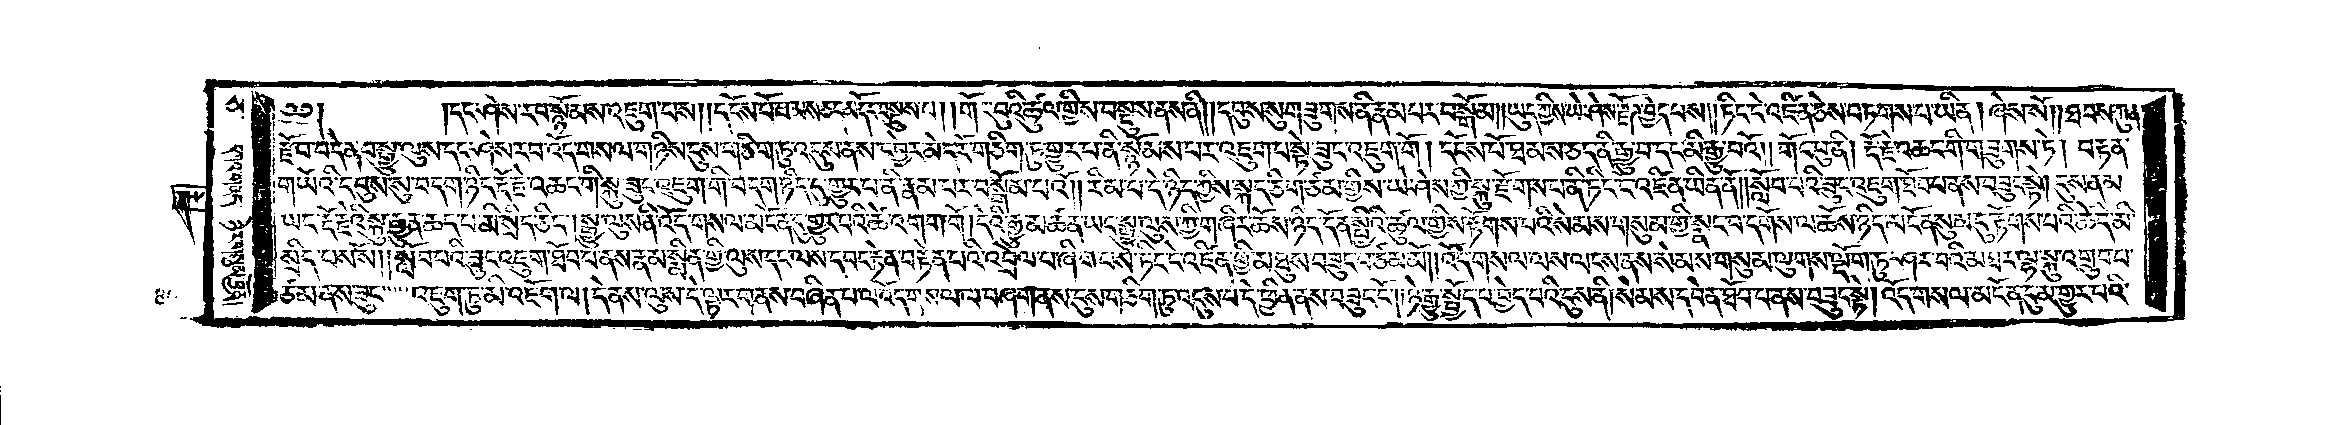༄༅། །དང་ཤེས་རབ་སྙོམས་འཇུག་པས། །དངོས་པོ་ཐམས་ཅད་མདོར་བསྡུས་པ། །གོང་བུའི་ཚུལ་གྱིས་བསྡུས་ནས་ནི། །དབུས་སུ་གཟུགས་ནི་རྣམ་པར་བསྒོམ། །ཡུད་ཀྱིས་ཡེ་ཤེས་རྫོགས་བྱེད་པས། །ཏིང་ངེ་འཛིན་ཅེས་བཏགས་པ་ཡིན། ཞེས་སོ། །ཐབས་ཀུན་
རྫོབ་བདེན་པ་སྒྱུ་ལུས་དང་ཤེས་རབ་འོད་གསལ་གཉིས་དུས་གཅིག་ཏུ་འདུས་ནས་དབྱེར་མེད་རོ་གཅིག་ཏུ་གྱུར་པ་ནི་སྙོམས་པར་འཇུག་པ་སྟེ་ཟུང་འཇུག་གོ །དངོས་པོ་ཐམས་ཅད་ནི་རྒྱུ་བ་དང་མི་རྒྱུ་བའོ། །གོང་བུ་ནི། རྡོ་རྗེ་འཆང་གི་གཟུགས་ཏེ། བརྟན་
གཡོའི་དབུས་སུ་བདག་ཉིད་རྡོ་རྗེ་འཆང་གི་སྐུ་ཟུང་འཇུག་གི་བདག་ཉིད་དུ་གྱུར་པ་ནི་རྣམ་པར་བསྒོམ་པའོ། །རིམ་པ་དེ་ཉིད་ཀྱིས་སྐད་ཅིག་ཙམ་གྱིས་ཡེ་ཤེས་ཀྱི་སྐུ་རྫོགས་པ་ནི་ཏིང་ངེ་འཛིན་ཡིན་ནོ། །སློབ་པའི་ཟུང་འཇུག་ཐོབ་པ་ནས་བཟུང་སྟེ། དུས་ནམ་
ཡང་རྡོ་རྗེའི་སྐུ་རྒྱུན་ཆད་པ་མི་སྲིད་ཅིང་། སྒྱུ་ལུས་ནི་འོད་གསལ་མངོན་དུ་གྱུར་པའི་ཚེ་འགག་གོ །དེའི་རྒྱུ་མཚན་ཡང་སྒྱུ་ལུས་ཀྱི་གཞིར་ཆོས་ཉིད་དོན་སྤྱིའི་ཚུལ་གྱིས་རྟོགས་པའི་སེམས་གསུམ་གྱི་སྣང་བ་དགོས་ལ་ཆོས་ཉིད་མངོན་སུམ་དུ་རྟོགས་པའི་ཚེ་དེ་མི་
སྲིད་པས་སོ། །སློབ་པའི་ཟུང་འཇུག་ཐོབ་པ་ནས་རྣམ་སྨིན་གྱི་ལུས་དང་ལས་དབང་རྟེན་བརྟེན་པའི་འབྲེལ་པ་ཞིག་པས་ཏིང་ངེ་འཛིན་གྱི་མཐུས་བཟུང་བ་ཙམ་མོ། །འོད་གསལ་ལས་ལངས་ནས་སེམས་ལྗོན། །རབ་རྒྱས་འགྲོ་ཀུན་ཐར་མཆོག་འབྲས་བཟང་ལ། །སྤྱོད་
ཙམ་ནས་ཟུང་འཇུག་ཏུ་མི་འཇོག་ལ། དེ་ནས་ལུས་དེ་ལྟར་གནས་བཞིན་པ་ལ་འོད་གསལ་ལ་བཞག་ནས་དུས་གཅིག་ཏུ་འདུས་པ་དེ་ཕྱིན་ནས་བཟུང་ངོ། །ཉེ་རྒྱུ་སྤྱོད་པ་བྱེད་པའི་དུས་ནི། སེམས་དབེན་ཐོབ་པ་ནས་བཟུང་སྟེ། འོད་གསལ་མངོན་དུ་མ་གྱུར་པའི་